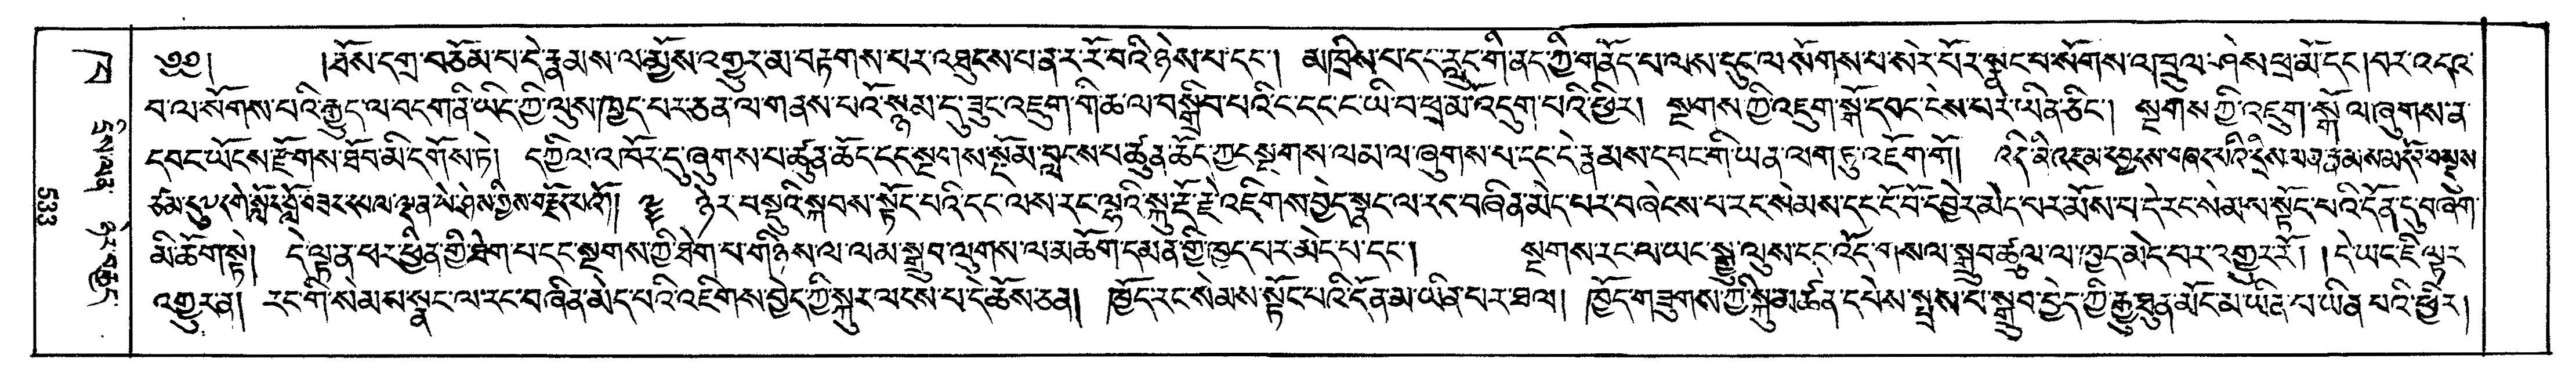༄༅། །ཐོས་དགྲ་བཅོམ་པ་དེ་རྣམས་ལ་མྱོས་འགྱུར་མ་བརྟགས་པར་འཐུངས་པ་ན་ར་རོ་པའི་ཉེས་པ་དང་། མཁྲིས་པ་དང་རླུང་གི་ནད་ཀྱི་གནོད་པ་ལས་དུང་ལ་སོགས་པ་སེར་པོར་སྣང་བ་སོགས་འཁྲུལ་ཤེས་ཕྲ་མོ་དང་། བར་འདའ་
བ་ལ་སོགས་པའི་རྒྱུད་ལ་བདག་ནི་ཡིད་ཀྱི་ལུས་ཁྱད་པར་ཅན་ལ་གནས་པའོ་སྙམ་དུ་ཟུང་འཇུག་གི་ཆ་ལ་བསྒྲིབ་པའི་ང་དང་ང་ཡི་བ་ཕྲ་མོ་འདུག་པའི་ཕྱིར། སྔགས་ཀྱི་འཇུག་སྒོ་དབང་ངེས་པར་ཡིན་ཅིང་། སྔགས་ཀྱི་འཇུག་སྒོ་ལ་ཞུགས་ན་
དབང་ཡོངས་རྫོགས་ཐོབ་མི་དགོས་ཏེ། དཀྱིལ་འཁོར་དུ་ཞུགས་པ་ཚུན་ཆོད་དང་སྔགས་སྡོམ་བླངས་པ་ཚུན་ཆོད་ཀྱང་སྔགས་ལམ་ལ་ཞུགས་པ་དང་དེ་རྣམས་དབང་གི་ཡན་ལག་ཏུ་འཇོག་གོ། འདི་ནི་འཇམ་དབྱངས་བཞད་པའི་དྲིས་ལན་རྣམས་མདོར་བསྡུས་
ཙམ་དུ་༧་དགེ་སློང་བློ་བཟང་དཔལ་ལྡན་ཡེ་ཤེས་ཀྱིས་བརྗོད་པའོ།། ༈ ཉེར་བསྡུའི་སྐབས་སྟོང་པའི་ངང་ལས་རང་ལྷའི་སྐུ་རྡོ་རྗེ་འཇིགས་བྱེད་སྣང་ལ་རང་བཞིན་མེད་པར་བཞེངས་པ་རང་སེམས་དང་ངོ་བོ་དབྱེར་མེད་པར་མོས་པ་དེ་རང་སེམས་སྟོང་པའི་དོན་དུ་བཞག་
མི་ཆོག་སྟེ། དེ་ལྟ་ན་ཕར་ཕྱིན་གྱི་ཐེག་པ་དང་སྔགས་ཀྱི་ཐེག་པ་གཉིས་ལ་ལམ་སྒྲུབ་ལུགས་ལ་མཆོག་དམན་གྱི་ཁྱད་པར་མེད་པ་དང་། སྔགས་རང་ལ་ཡང་སྒྱུ་ལུས་དང་འོད་གསལ་སྒྲུབ་ཚུལ་ལ་ཁྱད་མེད་པར་འགྱུར་རོ། །དེ་ཡང་ཇི་ལྟར་
འགྱུར་ན། རང་གི་སེམས་སྣང་ལ་རང་བཞིན་མེད་པའི་འཇིགས་བྱེད་ཀྱི་སྐུར་ལངས་པ་དེ་ཆོས་ཅན། ཁྱོད་རང་སེམས་སྟོང་པའི་དོན་མ་ཡིན་པར་ཐལ། ཁྱོད་གཟུགས་ཀྱི་སྐུ་མཚན་དཔེས་སྤྲས་པ་སྒྲུབ་བྱེད་ཀྱི་རྒྱུ་ཐུན་མོང་མ་ཡིན་པ་ཡིན་པའི་ཕྱིར།